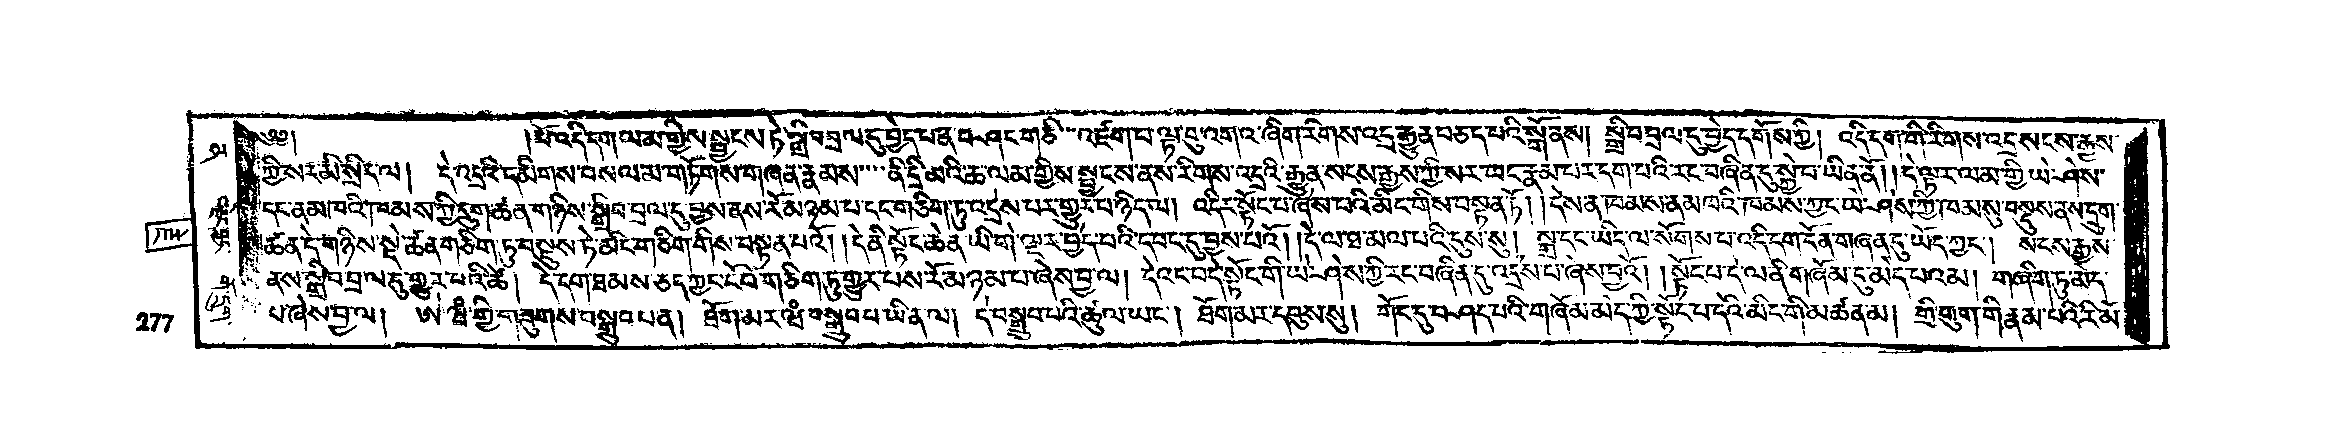༄༅། །པོ་འདི་དག་ལམ་གྱིས་སྦྱངས་ཏེ་སྒྲིབ་བྲལ་དུ་བྱེད་པ་ན་བཤད་གཅི་འཛག་པ་ལྟ་བུ་འགའ་ཞིག་རིགས་འདྲ་རྒྱུན་བཅད་པའི་སྒོ་ནས། སྒྲིབ་བྲལ་དུ་བྱེད་དགོས་ཀྱི། འདི་དག་གི་རིགས་འདྲ་སངས་རྒྱས་
ཀྱི་སར་མི་སྲིད་ལ། དེ་འདྲའི་དམིགས་བསལ་མ་གཏོགས་གཞན་རྣམས་ནི་དྲི་མའི་ཆ་ལམ་གྱིས་སྦྱངས་ནས་རིགས་འདྲའི་རྒྱུན་སངས་རྒྱས་ཀྱི་སར་ཡང་རྣམ་པར་དག་པའི་རང་བཞིན་དུ་སྐྱེ་བ་ཡིན་ནོ། །དེ་ལྟར་ལམ་གྱི་ཡེ་ཤེས་
དང་ནམ་མཁའི་ཁམས་ཀྱི་དྲུག་ཚན་གཉིས་སྒྲིབ་བྲལ་དུ་བྱས་ནས་རོ་མཉམ་པ་དང་གཅིག་ཏུ་འདྲེས་པར་གྱུར་པ་ཉིད་ལ། འདིར་སྟོང་པ་ཞེས་པའི་མིང་གིས་བསྟན་ཏོ། །དེས་ན་ཁམས་ནམ་མཁའི་ཁམས་ཀྱང་ཡེ་ཤེས་ཀྱི་ཁམས་སུ་བསྡུས་ནས་དྲུག་
ཚན་དེ་གཉིས་སྡེ་ཚན་གཅིག་ཏུ་བསྡུས་ཏེ་མིང་གཅིག་གིས་བསྟན་པའོ། །དེ་ནི་སྟོང་ཆེན་ཡི་གེ་ལྔར་བྱེད་པའི་དབང་དུ་བྱས་པའོ། །དེ་ལ་ཐ་མལ་པའི་དུས་སུ། སྒྲ་དང་ཡིད་ལ་སོགས་པ་འདི་དག་དོན་གཞན་དུ་ཡོད་ཀྱང་། སངས་རྒྱས་
ནས་སྒྲིབ་བྲལ་དུ་གྱུར་པའི་ཚེ། དེ་དག་ཐམས་ཅད་ཀྱང་ངོ་བོ་གཅིག་ཏུ་གྱུར་པས་རོ་མཉམ་པ་ཞེས་བྱ་ལ། དེའང་བདེ་སྟོང་གི་ཡེ་ཤེས་ཀྱི་རང་བཞིན་དུ་འདྲེས་པ་ཞེས་བྱའོ། །སྟོང་པ་དེ་ལ་ནི་གཞོན་དུ་མེད་པའམ། གཞིག་ཏུ་མེད་
པ་ཞེས་བྱ་ལ། ཨེ་ཝཾ་གྱི་གཟུགས་བསྒྲུབ་པ་ན། ཐོག་མར་ཝཾ་བསྒྲུབ་པ་ཡིན་ལ། དེ་བསྒྲུབ་པའི་ཚུལ་ཡང་། ཐོག་མར་དབུས་སུ། གོང་དུ་བཤད་པའི་གཞོམ་མེད་ཀྱི་སྟོང་པ་དེའི་མིང་གི་མཚན་མ། གྲི་གུག་གི་རྣམ་པའི་རི་མོ་